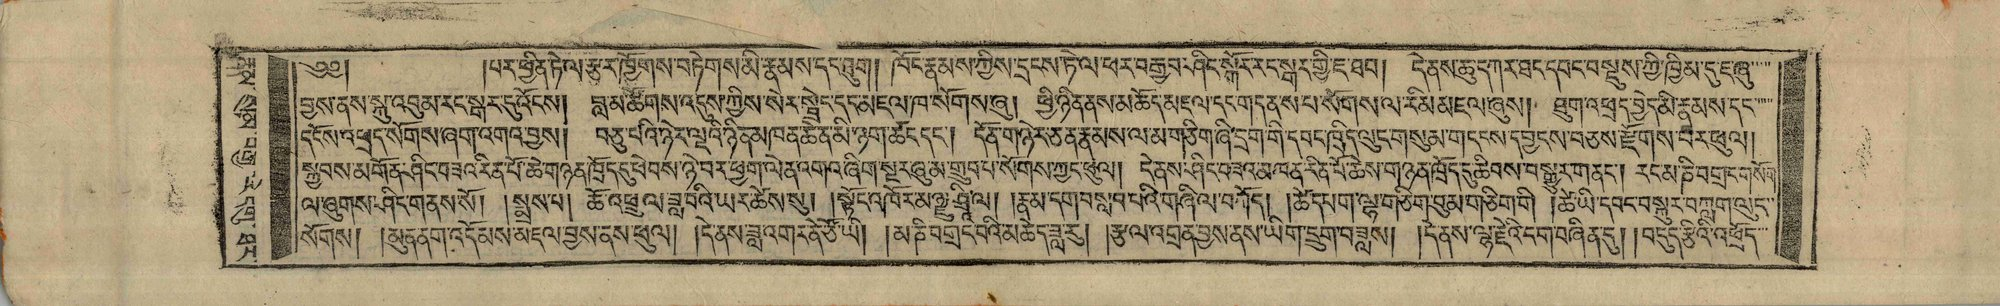༄༅། །པར་ཕྱིན་ཏེ་ལ་རྩར་ཁྱོགས་བཏེགས་མི་རྣམས་དང་ཐུག །ཁོང་རྣམས་ཀྱིས་དྲངས་ཏེ་ལ་ཕར་བརྒྱབ་ཤིང་སྒོར་རང་སྒར་གྱི་ཇ་ཐབ། དེ་ནས་ཆུ་དཀར་ཐང་དབང་བསྡུས་ཀྱི་ཁྱིམ་དུ་ཇ་ཞུ་
བྱས་ནས་སྐུ་འབུམ་རང་སྒར་དུ་འོངས། བླ་མ་ཚོགས་འདུས་ཀྱིས་སེར་སྦྲེང་དང་མཇལ་ཁ་སོགས་ཞུ། ཕྱི་ཉིན་ནས་མཆོད་མཇལ་དང་གདན་ས་པ་སོགས་ལ་རིམ་མཇལ་ཞུས། ཐུག་འཕྲད་བྱེད་མི་རྣམས་དང་
དངོས་འཕྲད་སོགས་ཞག་འགའ་བྱས། བཅུ་པའི་ཉེར་ལྔའི་ཉིན་མཁན་ཆེན་མི་ཉག་ཚང་དང་། དོན་གཉེར་ཅན་རྣམས་ལ་མ་གཅིག་ཞི་དྲག་གི་དབང་ཁྲིད་ལུང་གསུམ་གདངས་དབྱངས་བཅས་རྫོགས་པར་ཕུལ།
སྐྱབས་མགོན་ཤིང་བཟའ་རིན་པོ་ཆེ་གཉན་ཁྲོད་དུ་ཕེབས་ཉེ་བར་ཕྱག་ལེན་འགའ་ཞིག་སྔར་ཞུ་མ་གྲུབ་པ་སོགས་ཀྱང་ཕུལ། དེ་ནས་ཤིང་བཟའ་མཁན་རིན་པོ་ཆེས་གཉན་ཁྲོད་དུ་ཆིབས་བསྒྱུར་གནང་། རང་མ་ཎི་བགྲང་གསོག་
ལ་ཞུགས་ཤིང་གནས་སོ། །སྨྲས་པ། ཆོ་འཕྲུལ་ཟླ་བའི་ཡར་ཚེས་སུ། །སྟོང་འཁོར་མཉྫུ་ཤྲཱི་ལ། །རྣམ་དག་བསླབ་པའི་གཞི་ལ་བཀོད། །ཚེ་དཔག་ལྷ་གཅིག་བུམ་གཅིག་གི །ཚེ་ཡི་དབང་བསྐུར་བཀླག་ལུང་
སོགས། །མུན་ནག་འདོམས་མཇལ་བྱས་ནས་ཕུལ། །དེ་ནས་ཟླ་འགར་ནེ་ཙོ་ཡི། །མ་ཎི་བགྲང་བའི་མཆེད་ཟླ་རུ། །རྩལ་འགྲན་བྱས་ནས་ཡིག་དྲུག་བཟླས། །དེ་ནས་ལྷ་རྗེའི་ངག་བཞིན་དུ། །བདུད་རྩིའི་འཕྲོད་